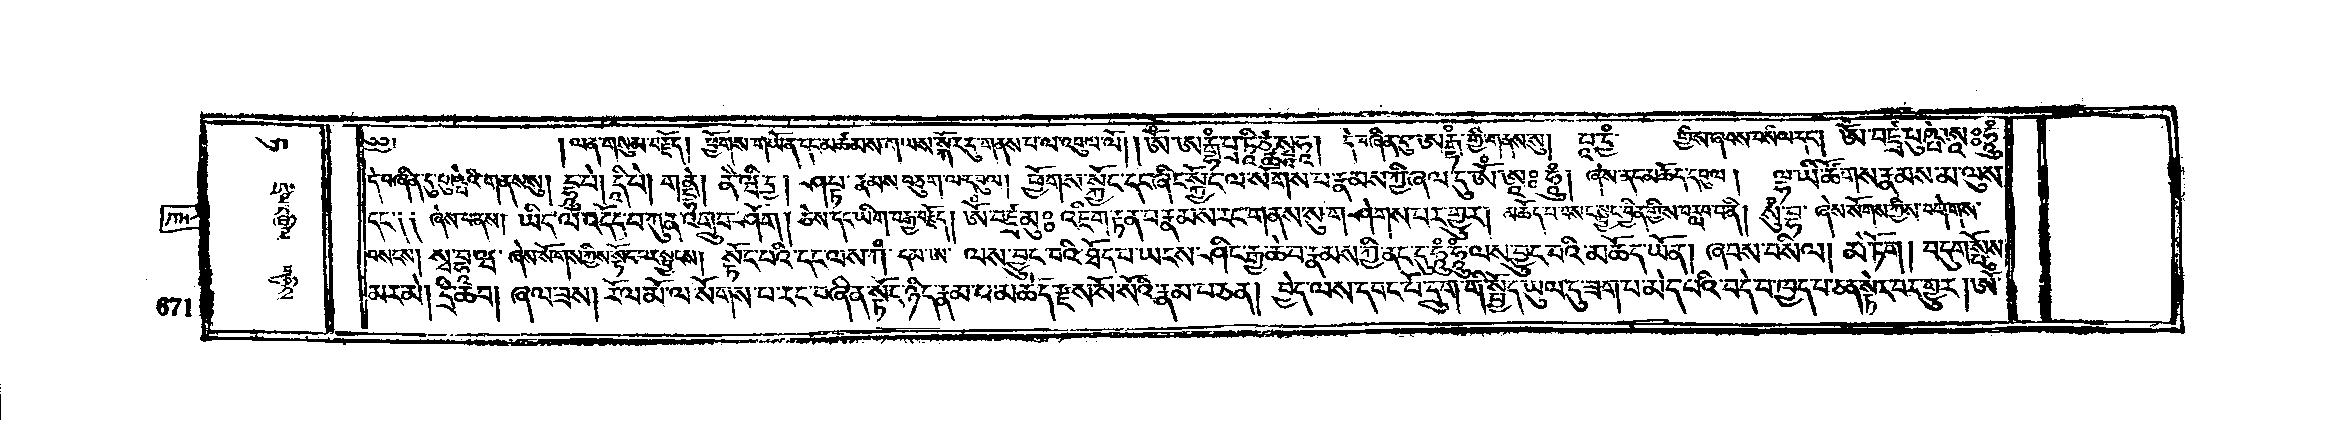༄༅། །ལན་གསུམ་བརྗོད། ཕྱོགས་གཡོན་དང་མཚམས་གཡས་སྐོར་དུ་གནས་པ་ལ་འབུལ་ལོ། །ཨོཾ་ཨརྒྷཾ་པྲ་ཏཱི་ཙྪ་སྭཱཧཱ། དེ་བཞིན་དུ་ཨརྒྷཾ་གྱི་གནས་སུ།  པཱ་དྱཾ་གྱིས་ཞབས་བསིལ་དང་།  ཨོཾ་བཛྲ་པུཥྤེ་ཨཱཿ ཧཱུཾ་
དེ་བཞིན་དུ་པུཥྤེའི་གནས་སུ།  དྷཱུ་པེ། དཱི་པེ། གནྡྷེ། ནཻ་ཝི་དྱ། ཤཔྟ་རྣམས་བཅུག་ལ་དབུལ། ཕྱོགས་སྐྱོང་དང་ཞིང་སྐྱོང་ལ་སོགས་པ་རྣམས་ཀྱི་ཞལ་དུ་ཨོཾ་ཨཱཿ ཧཱུཾ། ཞེས་ནང་མཆོད་དབུལ།  ལྷ་ཡི་ཚོགས་རྣམས་མ་ལུས་
དང་། །ཞེས་པ་ནས།  ཡིད་ལ་འདོད་པ་ཀུན་འགྲུབ་ཤོག་།ཅེས་དང་ཡིག་བརྒྱ་བརྗོད།  ཨོཾ་བཛྲ་མུཿ འཇིག་རྟེན་པ་རྣམས་རང་གནས་སུ་གཤེགས་པར་གྱུར། མཆོད་པ་བསང་སྦྱང་བྱིན་གྱིས་བརླབ་པ་ནི།  སུཾ་བྷ་ཞེས་སོགས་ཀྱིས་བགེགས་
བསང་། སྭ་བྷཱ་ཝ་ཞེས་སོགས་ཀྱིས་སྟོང་པར་སྦྱངས།  སྟོང་པའི་ངང་ལས་ཀཾ་དམ་ཨ་ལས་བྱུང་བའི་ཐོད་པ་ཡངས་ཤིང་རྒྱ་ཆེ་བ་རྣམས་ཀྱི་ནང་དུ་ཧཱུཾ་ཧཱུཾ་ལས་བྱུང་བའི་མཆོད་ཡོན། ཞབས་བསིལ། མེ་ཏོག །བདུག་སྤོས་
མར་མེ། དྲི་ཆབ། ཞལ་ཟས། རོལ་མོ་ལ་སོགས་པ་རང་བཞིན་སྟོང་ཉིད་རྣམ་པ་མཆོད་རྫས་སོ་སོའི་རྣམ་པ་ཅན། བྱེད་ལས་དབང་པོ་དྲུག་གི་སྤྱོད་ཡུལ་དུ་ཟག་པ་མེད་པའི་བདེ་བ་ཁྱད་པ་ཅན་སྟེར་བར་གྱུར། ཨོཾ་